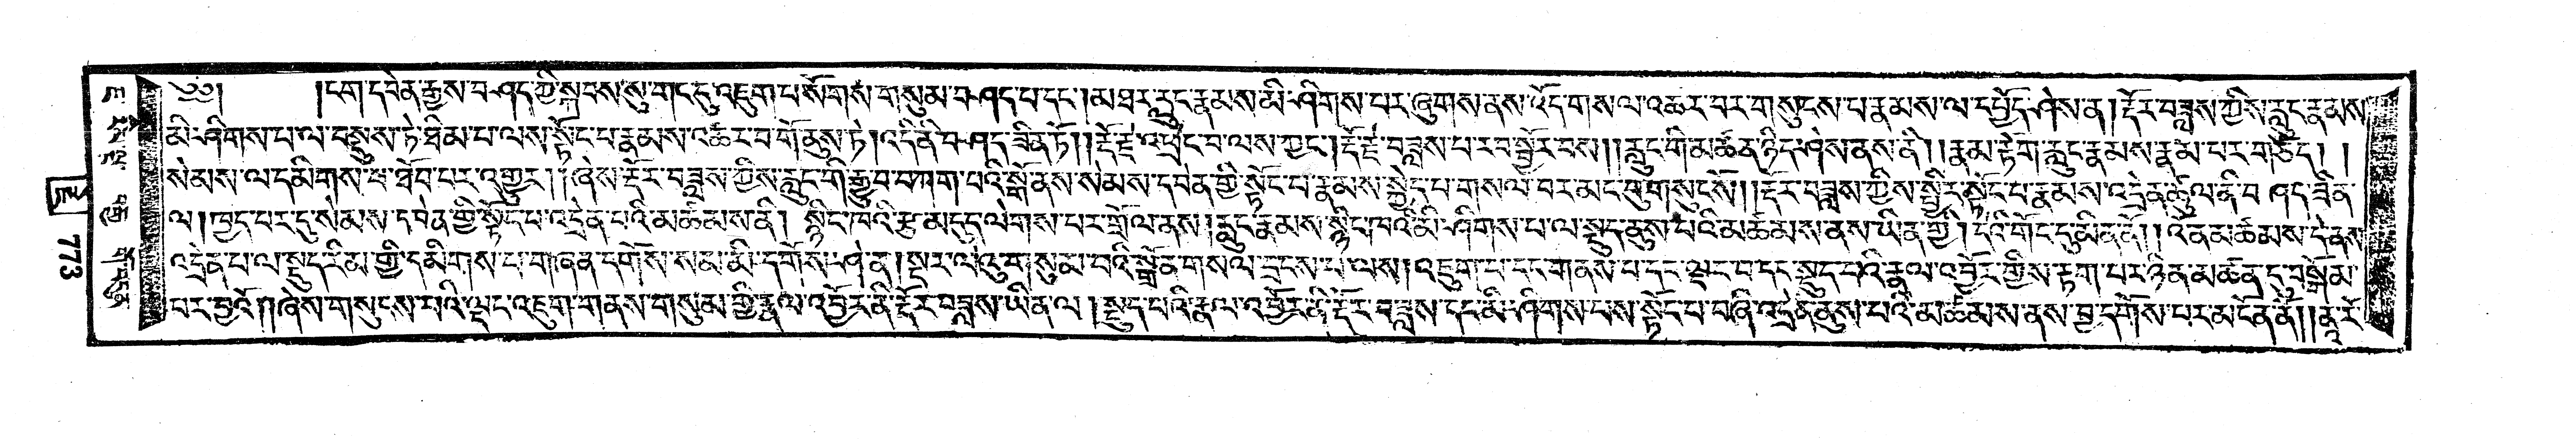༄༅། །ངག་དབེན་རྒྱས་བཤད་ཀྱི་སྐབས་སུ་གང་དུ་འཇུག་པ་སོགས་གསུམ་བཤད་པ་དང་། མཐར་རླུང་རྣམས་མི་ཤིགས་པར་ཞུགས་ནས་འོད་གསལ་འཆར་བར་གསུངས་པ་རྣམས་ལ་དཔྱོད་ཤེས་ན། རྡོར་བཟླས་ཀྱིས་རླུང་རྣམས་
མི་ཤིགས་པ་ལ་བསྡུས་ཏེ་ཐིམ་པ་ལས་སྟོང་པ་རྣམས་འཆར་བ་གོ་ནུས་ཏེ། འདི་ནི་བཤད་ཟིན་ཏོ། །རྡོ་རྗེ་འཕྲེང་བ་ལས་ཀྱང་། རྡོ་རྗེ་བཟླས་པ་རབ་སྦྱོར་བས། །རླུང་གི་མཚན་ཉིད་ཤེས་ནས་ནི། །རྣམ་རྟོག་རླུང་རྣམས་རྣམ་པར་གཅོད། །
སེམས་ལ་དམིགས་པ་ཐོབ་པར་འགྱུར། །ཞེས་རྡོར་བཟླས་ཀྱིས་རླུང་གི་རྒྱུ་བ་བཀག་པའི་སྒོ་ནས་སེམས་དབེན་གྱི་སྟོང་པ་རྣམས་སྐྱེད་པ་གསལ་བར་མང་དུ་གསུངས་སོ། །རྡོར་བཟླས་ཀྱིས་སྤྱིར་སྟོང་པ་རྣམས་འདྲེན་ཚུལ་ནི་བཤད་ཟིན་
ལ། ཁྱད་པར་དུ་སེམས་དབེན་གྱི་སྟོང་པ་འདྲེན་པའི་མཚམས་ནི། སྙིང་ཁའི་རྩ་མདུད་ལེགས་པར་གྲོལ་ནས། རླུང་རྣམས་སྙིང་ཁའི་མི་ཤིགས་པ་ལ་སྡུད་ནུས་པའི་མཚམས་ནས་ཡིན་གྱི། དེའི་གོང་དུ་མིན་ནོ། །འོ་ན་མཚམས་དེ་ནས་
འདྲེན་པ་ལ་སྡུད་རིམ་གྱི་དམིགས་པ་གཞན་དགོས་སམ་མི་དགོས་ཤེ་ན། སྔར་ལེའུ་གསུམ་པའི་སྒྲོན་གསལ་དྲངས་པ་ལས། འཇུག་པ་དང་གནས་པ་དང་ལྡང་བ་དང་སྡུད་པའི་རྣལ་འབྱོར་གྱིས་རྟག་པར་ཉིན་མཚན་དུ་བསྒོམ་
པར་བྱའོ། །ཞེས་གསུངས་པའི་ལྡང་འཇུག་གནས་གསུམ་གྱི་རྣལ་འབྱོར་ནི་རྡོར་བཟླས་ཡིན་ལ། སྡུད་པའི་རྣལ་འབྱོར་ནི་རྡོར་བཟླས་དང་མི་ཤིགས་པས་སྟོང་པ་བཞི་འདྲེན་ནུས་པའི་མཚམས་ནས་བྱ་དགོས་པར་མངོན་ནོ། །ནཱ་རོ་